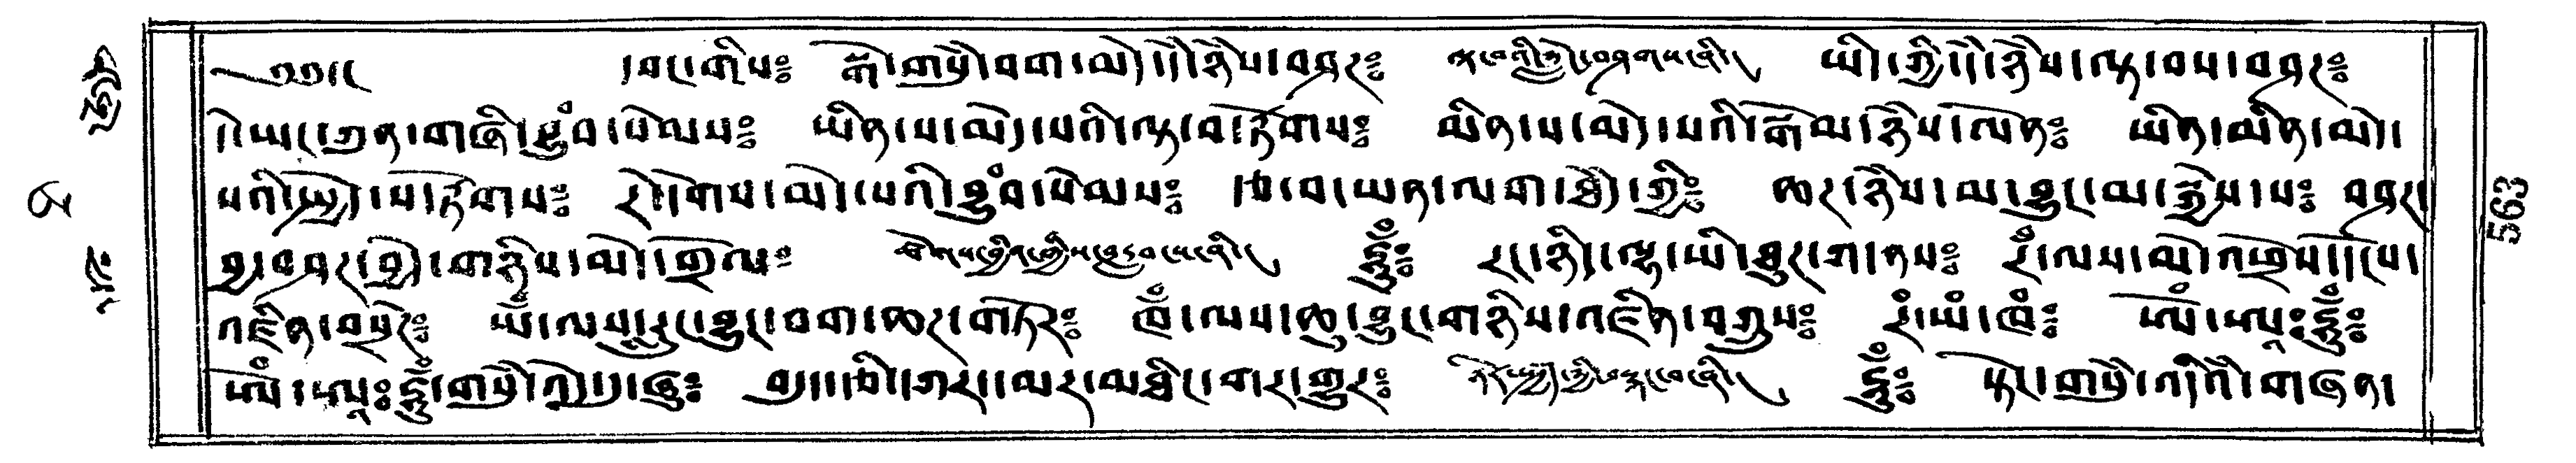དབང་གིས༔ སྒོ་གསུམ་བག་མེད་དམ་ཉམས་བཤགས༔ ལྟ་བའི་ཀློང་བཤགས་ནི། ཡིད་ཀྱི་དམ་ཉམས་ལྟ་བས་བཤགས༔ 
དེ་ཡང་ཀུན་གཞི་བྱང་ཆུབ་སེམས༔ ཡིན་པ་མེད་པའི་ལྟ་བ་རྟོགས༔ མིན་པ་མེད་པའི་སྒོམ་ཉམས་ལོན༔ ཡིན་མིན་མེད་
པའི་སྤྱོད་པ་རྟོགས༔ རེ་དོགས་མེད་པའི་བྱང་ཆུབ་སེམས༔ རྩ་བ་ཡན་ལག་ཐམས་ཅད་ཀྱི༔ ཆག་ཉམས་མ་བྱུང་མ་སྐྱེས་པ༔ བཤགས་
བྱ་བཤགས་བྱེད་གཉིས་མེད་གྲོལ༔ ཚོགས་བྱིན་གྱིས་བརླབ་པ་ནི། ཧཱུྃ༔ རང་ཉིད་ལྷ་ཡི་ཐུགས་ཀ་ནས༔ རྃ་ལས་མེ་འཕྲོས་དངོས་
འཛིན་བསྲེགས༔ ཡྃ་ལས་རླུང་བྱུང་བག་ཆགས་གཏོར༔ ཁྃ་ལས་ཆུ་བྱུང་གཉིས་འཛིན་བཀྲུས༔ རྃ་ཡྃ་ཁྃ༔ ཨོཾ་ཨཱཿཧཱུྃ༔ 
ཨོཾ་ཨཱཿཧཱུྃ་གསུམ་འོད་དུ་ཞུ༔ བདུད་རྩི་དཀར་དམར་མཐིང་གར་གྱུར༔ ཉེར་སྤྱོད་ཀྱི་བསྐང་བ་ནི། ཧཱུྃ༔ སྟོང་གསུམ་འདིའམ་གཞན་